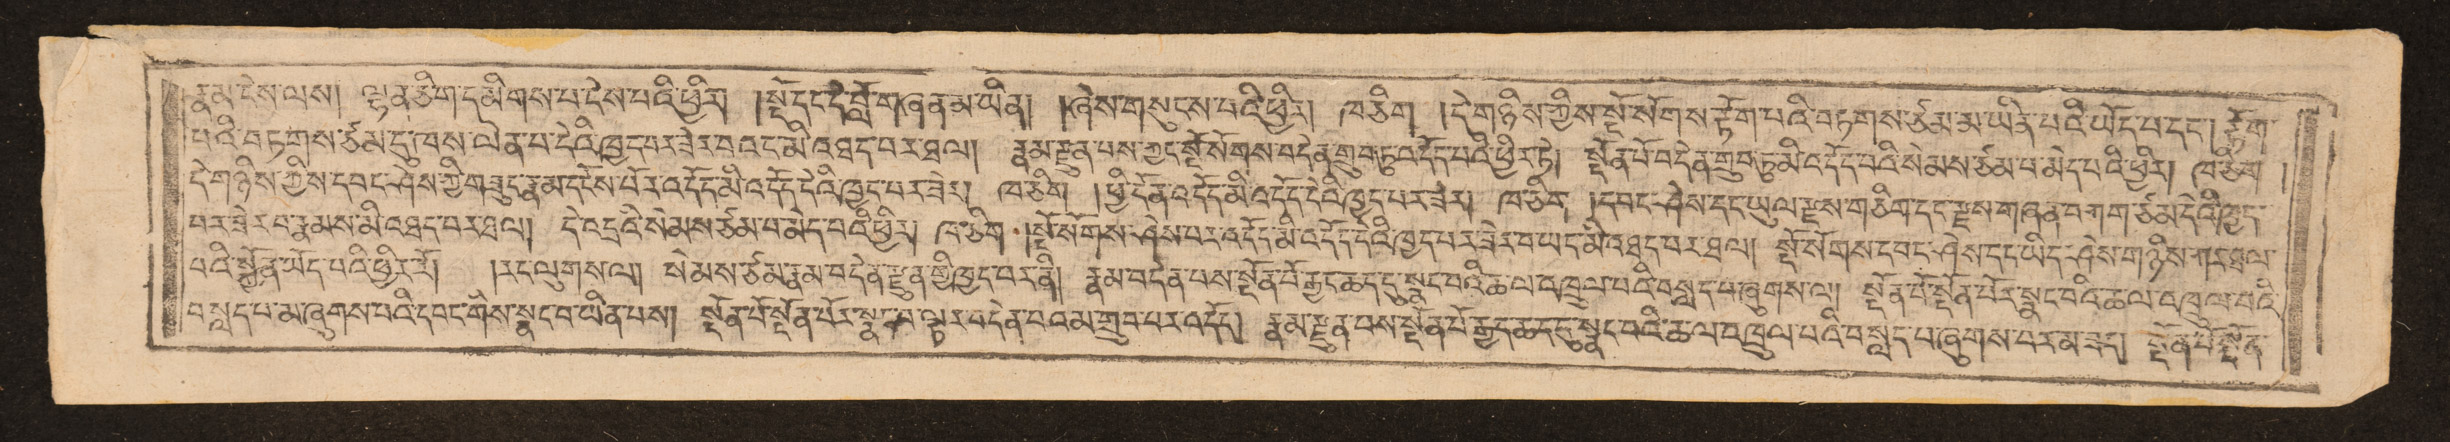རྣམ་ངེས་ལས། ལྷན་ཅིག་དམིགས་པ་ངེས་པའི་ཕྱིར། །སྔོ་དང་དེ་བློ་གཞན་མ་ཡིན། །ཞེས་གསུངས་པའི་ཕྱིར། ཁ་ཅིག །དེ་གཉིས་ཀྱིས་སྔོ་སོགས་རྟོག་པའི་བཏགས་ཙམ་མ་ཡིན་པའི་ཡོད་པ་དང་། རྟོག་
པའི་བཏགས་ཙམ་དུ་ཁས་ལེན་པ་དེའི་ཁྱད་པར་ཟེར་བའང་མི་འཐད་པར་ཐལ། རྣམ་རྫུན་པས་ཀྱང་སྔོ་སོགས་བདེན་གྲུབ་ཏུ་འདོད་པའི་ཕྱིར་ཏེ། སྔོན་པོ་བདེན་གྲུབ་ཏུ་མི་འདོད་པའི་སེམས་ཙམ་པ་མེད་པའི་ཕྱིར། ཁ་ཅིག །
དེ་གཉིས་ཀྱིས་དབང་ཤེས་ཀྱི་གཟུང་རྣམ་དངོས་པོར་འདོད་མི་འདོད་དེའི་ཁྱད་པར་ཟེར། ཁ་ཅིག །ཕྱི་དོན་འདོད་མི་འདོད་དེའི་ཁྱད་པར་ཟེར། ཁ་ཅིག །དབང་ཤེས་དང་ཡུལ་རྫས་གཅིག་དང་རྫས་གཞན་བཀག་ཙམ་དེའི་ཁྱད་
པར་ཟེར་བ་རྣམས་མི་འཐད་པར་ཐལ། དེ་འདྲའི་སེམས་ཙམ་པ་མེད་པའི་ཕྱིར། ཁ་ཅིག །སྔོ་སོགས་ཤེས་པར་འདོད་མི་འདོད་དེའི་ཁྱད་པར་ཟེར་བ་ཡང་མི་འཐད་པར་ཐལ། སྔོ་སོགས་དབང་ཤེས་དང་ཡིད་ཤེས་གཉིས་ཀར་ཐལ་
པའི་སྐྱོན་ཡོད་པའི་ཕྱིར་རོ། །རང་ལུགས་ལ། སེམས་ཙམ་རྣམ་བདེན་རྫུན་གྱི་ཁྱད་པར་ནི། རྣམ་བདེན་པས་སྔོན་པོ་རྒྱང་ཆད་དུ་སྣང་བའི་ཆ་ལ་འཁྲུལ་པའི་བསླད་པ་ཞུགས་ལ། སྔོན་པོ་སྔོན་པོར་སྣང་བའི་ཆལ་འཁྲུལ་བའི་
བསླད་པ་མ་ཞུགས་པའི་དབང་གིས་སྣང་བ་ཡིན་པས། སྔོན་པོ་སྔོན་པོར་སྣང་བ་ལྟར་བདེན་པའམ་གྲུབ་པར་འདོད། རྣམ་རྫུན་པས་སྔོན་པོ་རྒྱང་ཆད་དུ་སྣང་བའི་ཆ་ལ་འཁྲུལ་བའི་བསླད་པ་ཞུགས་པར་མ་ཟད། སྔོན་པོ་སྔོན་